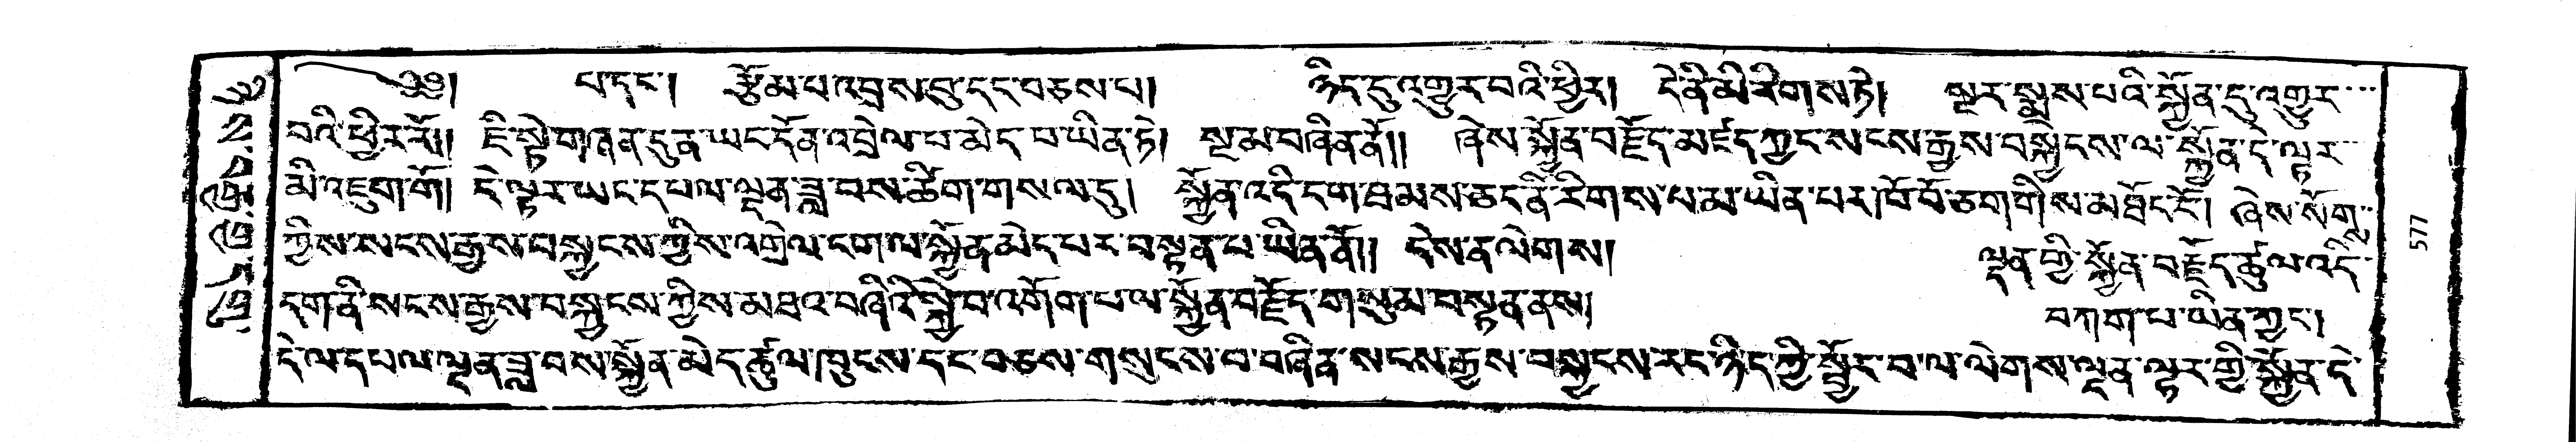༄༅། །པ་དང་། རྩོམ་པ་འབྲས་བུ་དང་བཅས་པ། ཉིད་དུ་འགྱུར་བའི་ཕྱིར། དེ་ནི་མི་རིགས་ཏེ། སྔར་སྨྲས་པའི་སྐྱོན་དུ་འགྱུར་
བའི་ཕྱིར་རོ།། ཇི་སྟེ་གཞན་དུ་ན་ཡང་དོན་འབྲེལ་པ་མེད་པ་ཡིན་ཏེ། སྔ་མ་བཞིན་ནོ།། ཞེས་སྐྱོན་བརྗོད་མཛད་ཀྱང་སངས་རྒྱས་བསྐྱངས་ལ་སྐྱོན་དེ་ལྟར་
མི་འཇུག་གོ། དེ་ལྟར་ཡང་དཔལ་ལྡན་ཟླ་བས་ཚིག་གསལ་དུ། སྐྱོན་འདི་དག་ཐམས་ཅད་ནི་རིགས་པ་མ་ཡིན་པར་ཁོ་བོ་ཅག་གིས་མཐོང་ངོ། ཞེས་སོགས་
ཀྱིས་སངས་རྒྱས་བསྐྱངས་ཀྱིས་འགྲེལ་ངག་ལ་སྐྱོན་མེད་པར་བསྟན་པ་ཡིན་ནོ།། དེས་ན་ལེགས། ལྡན་གྱི་སྐྱོན་བརྗོད་ཚུལ་འདི་
དག་ནི་སངས་རྒྱས་བསྐྱངས་ཀྱིས་མཐའ་བཞིའི་སྐྱེ་བ་འགོག་པ་ལ་སྐྱོན་བརྗོད་གསུམ་བསྟན་ནས། བཀག་པ་ཡིན་ཀྱང་།
དེ་ལ་དཔལ་ལྡན་ཟླ་བས་སྐྱོན་མེད་ཚུལ་ཁུངས་དང་བཅས་གསུངས་པ་བཞིན་སངས་རྒྱས་བསྐྱངས་རང་ཉིད་ཀྱི་སྦྱོར་བ་ལ་ལེགས་ལྡན་ལྟར་གྱི་སྐྱོན་དེ་